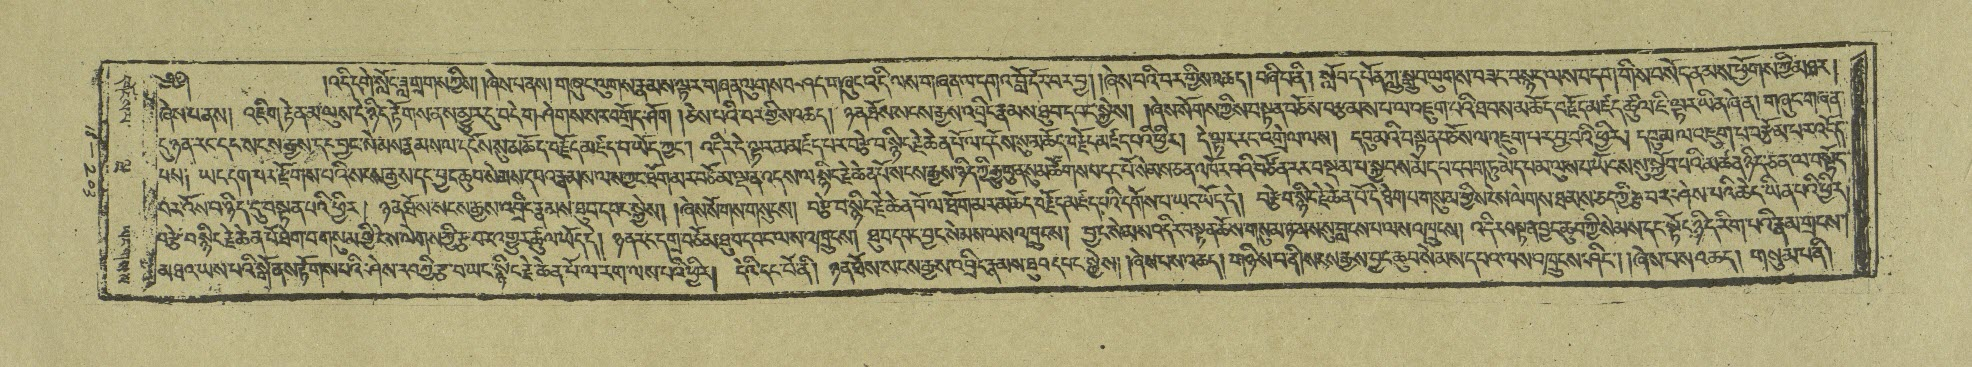༄༅། །འདི་དགེ་སློང་ཟླ་གྲགས་ཀྱིས། །ཞེས་པ་ནས། གཞུང་ལུགས་རྣམས་ལྟར་གཞན་ལུགས་བཤད་གཞུང་འདི་ལས་གཞན་ལ་དགའ་བློ་དོར་བར་བྱ། །ཞེས་པའི་བར་གྱིས་འཆད། བཞི་པ་ནི། སློབ་དཔོན་ཀླུ་སྒྲུབ་ལུགས་བཟང་བསྙད་ལས་བདག་གིས་བསོད་ནམས་ཕྱོགས་ཀྱི་མཐར།
ཞེས་པ་ནས། འཇིག་རྟེན་མ་ལུས་དེ་ཉིད་རྟོགས་ནས་མྱུར་དུ་བདེ་གཤེགས་སར་བགྲོད་ཤོག །ཅེས་པའི་བར་གྱིས་འཆད། ཉན་ཐོས་སངས་རྒྱས་འབྲིང་རྣམས་ཐུབ་དབང་སྐྱེས། །ཞེས་སོགས་ཀྱིས་བསྟན་བཅོས་བརྩམས་པ་ལ་འཇུག་པའི་ཐབས་མཆོད་བརྗོད་མཛད་ཚུལ་ཇི་ལྟར་ཡིན་ཞེ་ན། གཞུང་གཞན་
དུ་ཉན་རང་དང་སངས་རྒྱས་དང་བྱང་སེམས་རྣམས་ལ་དངོས་སུ་མཆོད་བརྗོད་མཛད་པ་ཡོད་ཀྱང་། འདིར་དེ་ལྟར་མ་མཛད་པར་བརྩེ་བ་སྙིང་རྗེ་ཆེན་པོ་ལ་དངོས་སུ་མཆོད་བརྗོད་མཛད་པའི་ཕྱིར། དེ་ལྟར་རང་འགྲེལ་ལས། དབུ་མའི་བསྟན་བཅོས་ལ་འཇུག་པར་བྱ་བའི་ཕྱིར། དབུ་མ་ལ་འཇུག་པ་བརྩོམ་པར་འདོད་
པས། ཡང་དག་པར་རྫོགས་པའི་སངས་རྒྱས་དང་བྱང་ཆུབ་སེམས་དཔའ་རྣམས་ལས་ཀྱང་ཐོག་མར་བཅོམ་ལྡན་འདས་ལ་སྙིང་རྗེ་ཆེན་པོ་སངས་རྒྱས་ཉིད་ཀྱི་རྒྱུ་ཕུན་སུམ་ཚོགས་པ་དང་པོ་སེམས་ཅན་འཁོར་བའི་བཙོན་རར་བསྡམ་པ་སྐྱབས་མེད་པ་དཔག་ཏུ་མེད་པ་མ་ལུས་པ་ཡོངས་སུ་སྐྱོབ་པའི་མཚན་ཉིད་ཅན་ལ་བསྟོད་
པར་འོས་པ་ཉིད་དུ་བསྟན་པའི་ཕྱིར། ཉན་ཐོས་སངས་རྒྱས་འབྲིང་རྣམས་ཐུབ་དབང་སྐྱེས། །ཞེས་སོགས་གསུངས། བརྩེ་བ་སྙིང་རྗེ་ཆེན་པོ་ལ་ཐོག་མར་མཆོད་བརྗོད་མཛད་པའི་དགོས་པ་ཡང་ཡོད་དེ། བརྩེ་བ་སྙིང་རྗེ་ཆེན་པོ་དེ་ཐེག་པ་གསུམ་གྱིས་ངེས་ལེགས་ཐམས་ཅད་ཀྱི་རྩ་བར་ཤེས་པའི་ཆེད་ཡིན་པའི་ཕྱིར་
བརྩེ་བ་སྙིང་རྗེ་ཆེན་པོ་ཐེག་པ་གསུམ་གྱི་ངེས་ལེགས་ཀྱི་རྩ་བར་འགྱུར་ཚུལ་ཡོད་དེ། ཉན་རང་དགྲ་བཅོམ་ཐུབ་དབང་ལས་འཁྲུངས། ཐུབ་དབང་བྱང་སེམས་ལས་འཁྲུངས། བྱང་སེམས་འདིར་བསྟན་ཆོས་གསུམ་ཉམས་སུ་བླངས་པ་ལས་འཁྲུངས། འདིར་བསྟན་བྱང་ཆུབ་ཀྱི་སེམས་དང་སྟོང་ཉིད་རིག་པའི་རྣམ་གྲངས་
མཐའ་ཡས་པའི་སྒོ་ནས་རྟོགས་པའི་ཤེས་རབ་ཀྱི་རྩ་བ་ཡང་སྙིང་རྗེ་ཆེན་པོ་ལ་རག་ལས་པའི་ཕྱིར། དེའི་དང་པོ་ནི། ཉན་ཐོས་སངས་རྒྱས་འབྲིང་རྣམས་ཐུབ་དབང་སྐྱེས། །ཞེས་པས་འཆད། གཉིས་པ་ནི། སངས་རྒྱས་བྱང་ཆུབ་སེམས་དཔའ་ལས་འཁྲུངས་ཤིང་། །ཞེས་པས་འཆད། གསུམ་པ་ནི།